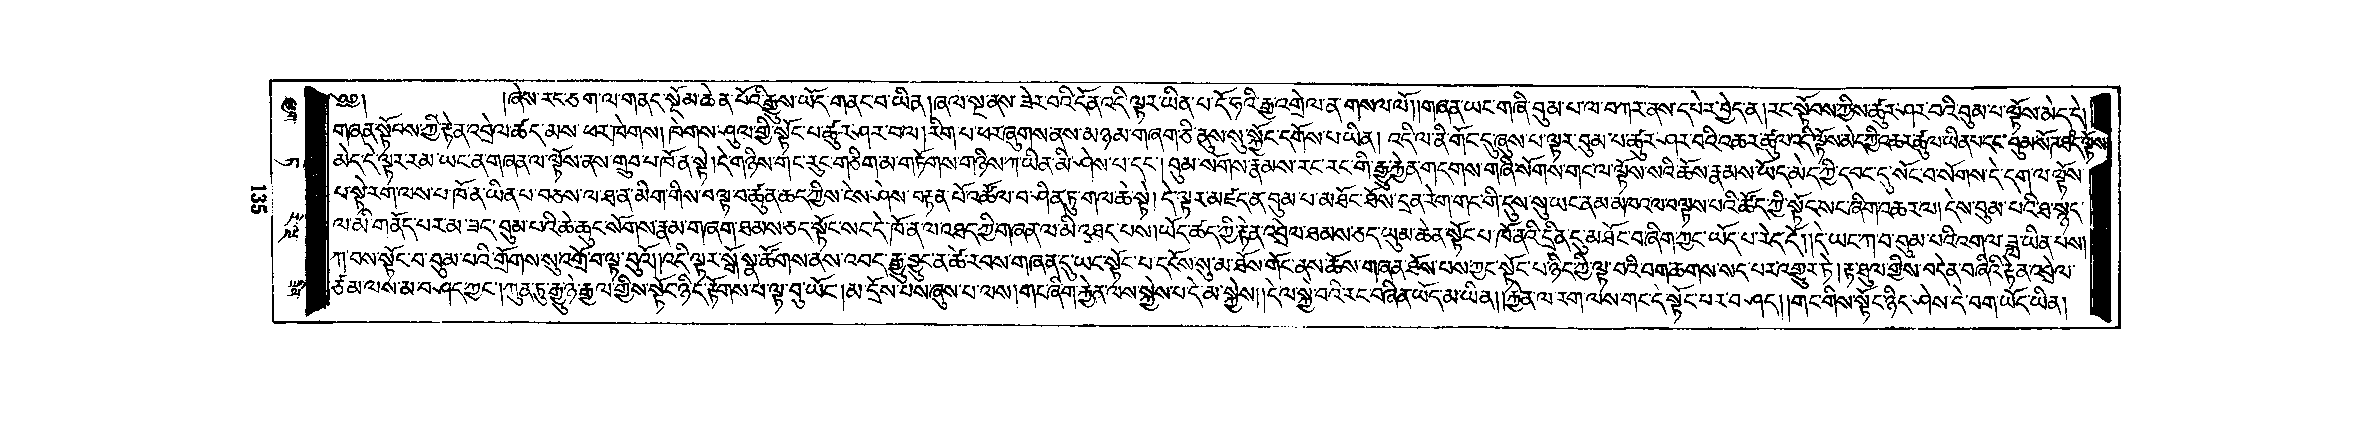༄༅། །ཞེས་རང་ཅག་ལ་གནད་སྡོམ་ཆེན་པོའི་རྒྱུས་ཡོད་གནང་བ་ཡིན། ཞལ་སྔ་ནས་ཟེར་བའི་དོན་འདི་ལྟར་ཡིན་པ་དོ་ཧའི་རྒྱ་འགྲེལ་ན་གསལ་ལོ། །གཞན་ཡང་གཞི་བུམ་པ་ལ་བཀར་ནས་དཔེར་བྱེད་ན། རང་སྟོབས་ཀྱིས་ཚུར་ཤར་བའི་བུམ་པ་ལྟོས་མེད་དེ།
གཞན་སྟོབས་ཀྱི་རྟེན་འབྲེལ་ཚད་མས་ཕར་ཁེགས། ཁེགས་ཤུལ་གྱི་སྟོང་པ་ཚུར་ཤར་བ་ལ། རིག་པ་ཕར་ཞུགས་ནས་མཉམ་གཞག་ཅི་ནུས་སུ་སྐྱོང་དགོས་པ་ཡིན། འདི་ལ་ནི་གོང་དུ་ཞུས་པ་ལྟར་བུམ་པ་ཚུར་ཤར་བའི་འཆར་ཚུལ་འདི་ལྟོས་མེད་ཀྱི་འཆར་ཚུལ་ཡིན་པ་དང་བུམ་སོགས་ཐམས་ལྟོས་
མེད་དེ་ལྟར་རམ་ཡང་ན་གཞན་ལ་ལྟོས་ནས་གྲུབ་པ་ཁོ་ན་སྟེ། དེ་གཉིས་གང་རུང་གཅིག་མ་གཏོགས་གཉིས་ཀ་ཡིན་མི་ཤེས་པ་དང་། བུམ་སོགས་རྣམས་རང་རང་གི་རྒྱུ་རྐྱེན་གདགས་གཞི་སོགས་གང་ལ་ལྟོས་སའི་ཆོས་རྣམས་ཡོད་མེད་ཀྱི་དབང་དུ་སོང་བ་སོགས་དེ་དག་ལ་ལྟོས་
པ་སྟེ་རག་ལས་པ་ཁོ་ན་ཡིན་པ་བཅས་ལ་ཐ་ན་མིག་གིས་བལྟ་བ་ཚུན་ཆད་ཀྱིས་ངེས་ཤེས་བརྟན་པོ་འཚོལ་བ་ཤིན་ཏུ་གལ་ཆེ་སྟེ། དེ་ལྟར་མཛད་ན་བུམ་པ་མཐོང་ཐོས་དྲན་རེག་གང་གི་དུས་སུ་ཡང་ནམ་མཁའ་ལ་བལྟས་པའི་ཚོད་ཀྱི་སྟོང་སང་ཞིག་འཆར་ལ། དེས་བུམ་པའི་ཐ་སྙད་
ལ་མི་གནོད་པར་མ་ཟད་བུམ་པའི་ཆེ་ཆུང་སོགས་རྣམ་གཞག་ཐམས་ཅད་སྟོང་སང་དེ་ཁོ་ན་ལ་འཐད་ཀྱི་གཞན་ལ་མི་འཐད་པས། ཡོད་ཚད་ཀྱི་རྟེན་འབྲེལ་ཐམས་ཅད་ཡུམ་ཆེན་སྟོང་པ་ཁོ་ནའི་དྲིན་དུ་མཐོང་བ་ཞིག་ཀྱང་ཡོད་པ་རེད་དོ། །དེ་ཡང་ཀ་བ་བུམ་པའི་འགལ་ཟླ་ཡིན་པས།
ཀ་བས་སྟོང་བ་བུམ་པའི་གྲོགས་སུ་འགྲོ་བ་ལྟ་བུའོ། །འདི་ལྟར་སྒོ་སྣ་ཚོགས་ནས་འབད་རྒྱུ་བྱུང་ན་ཚེ་རབས་གཞན་དུ་ཡང་སྟོང་པ་དངོས་སུ་མ་ཐོས་གོང་ནས་ཆོས་གཞན་ཐོས་པས་ཀྱང་སྟོང་པ་ཉིད་ཀྱི་ལྟ་བའི་བག་ཆགས་སད་པར་འགྱུར་ཏེ། རྟ་ཐུལ་གྱིས་བདེན་བཞིའི་རྟེན་འབྲེལ་
ཙམ་ལས་མ་བཤད་ཀྱང་། ཀུན་ཏུ་རྒྱུ་ཉེ་རྒྱལ་གྱིས་སྟོང་ཉིད་རྟོགས་པ་ལྟ་བུ་ཡོང་། མ་དྲོས་པས་ཞུས་པ་ལས། གང་ཞིག་རྐྱེན་ལས་སྐྱེས་པ་དེ་མ་སྐྱེས། །དེ་ལ་སྐྱེ་བའི་རང་བཞིན་ཡོད་མ་ཡིན། །རྐྱེན་ལ་རག་ལས་གང་དེ་སྟོང་པར་བཤད། །གང་གིས་སྟོང་ཉིད་ཤེས་དེ་བག་ཡོད་ཡིན།